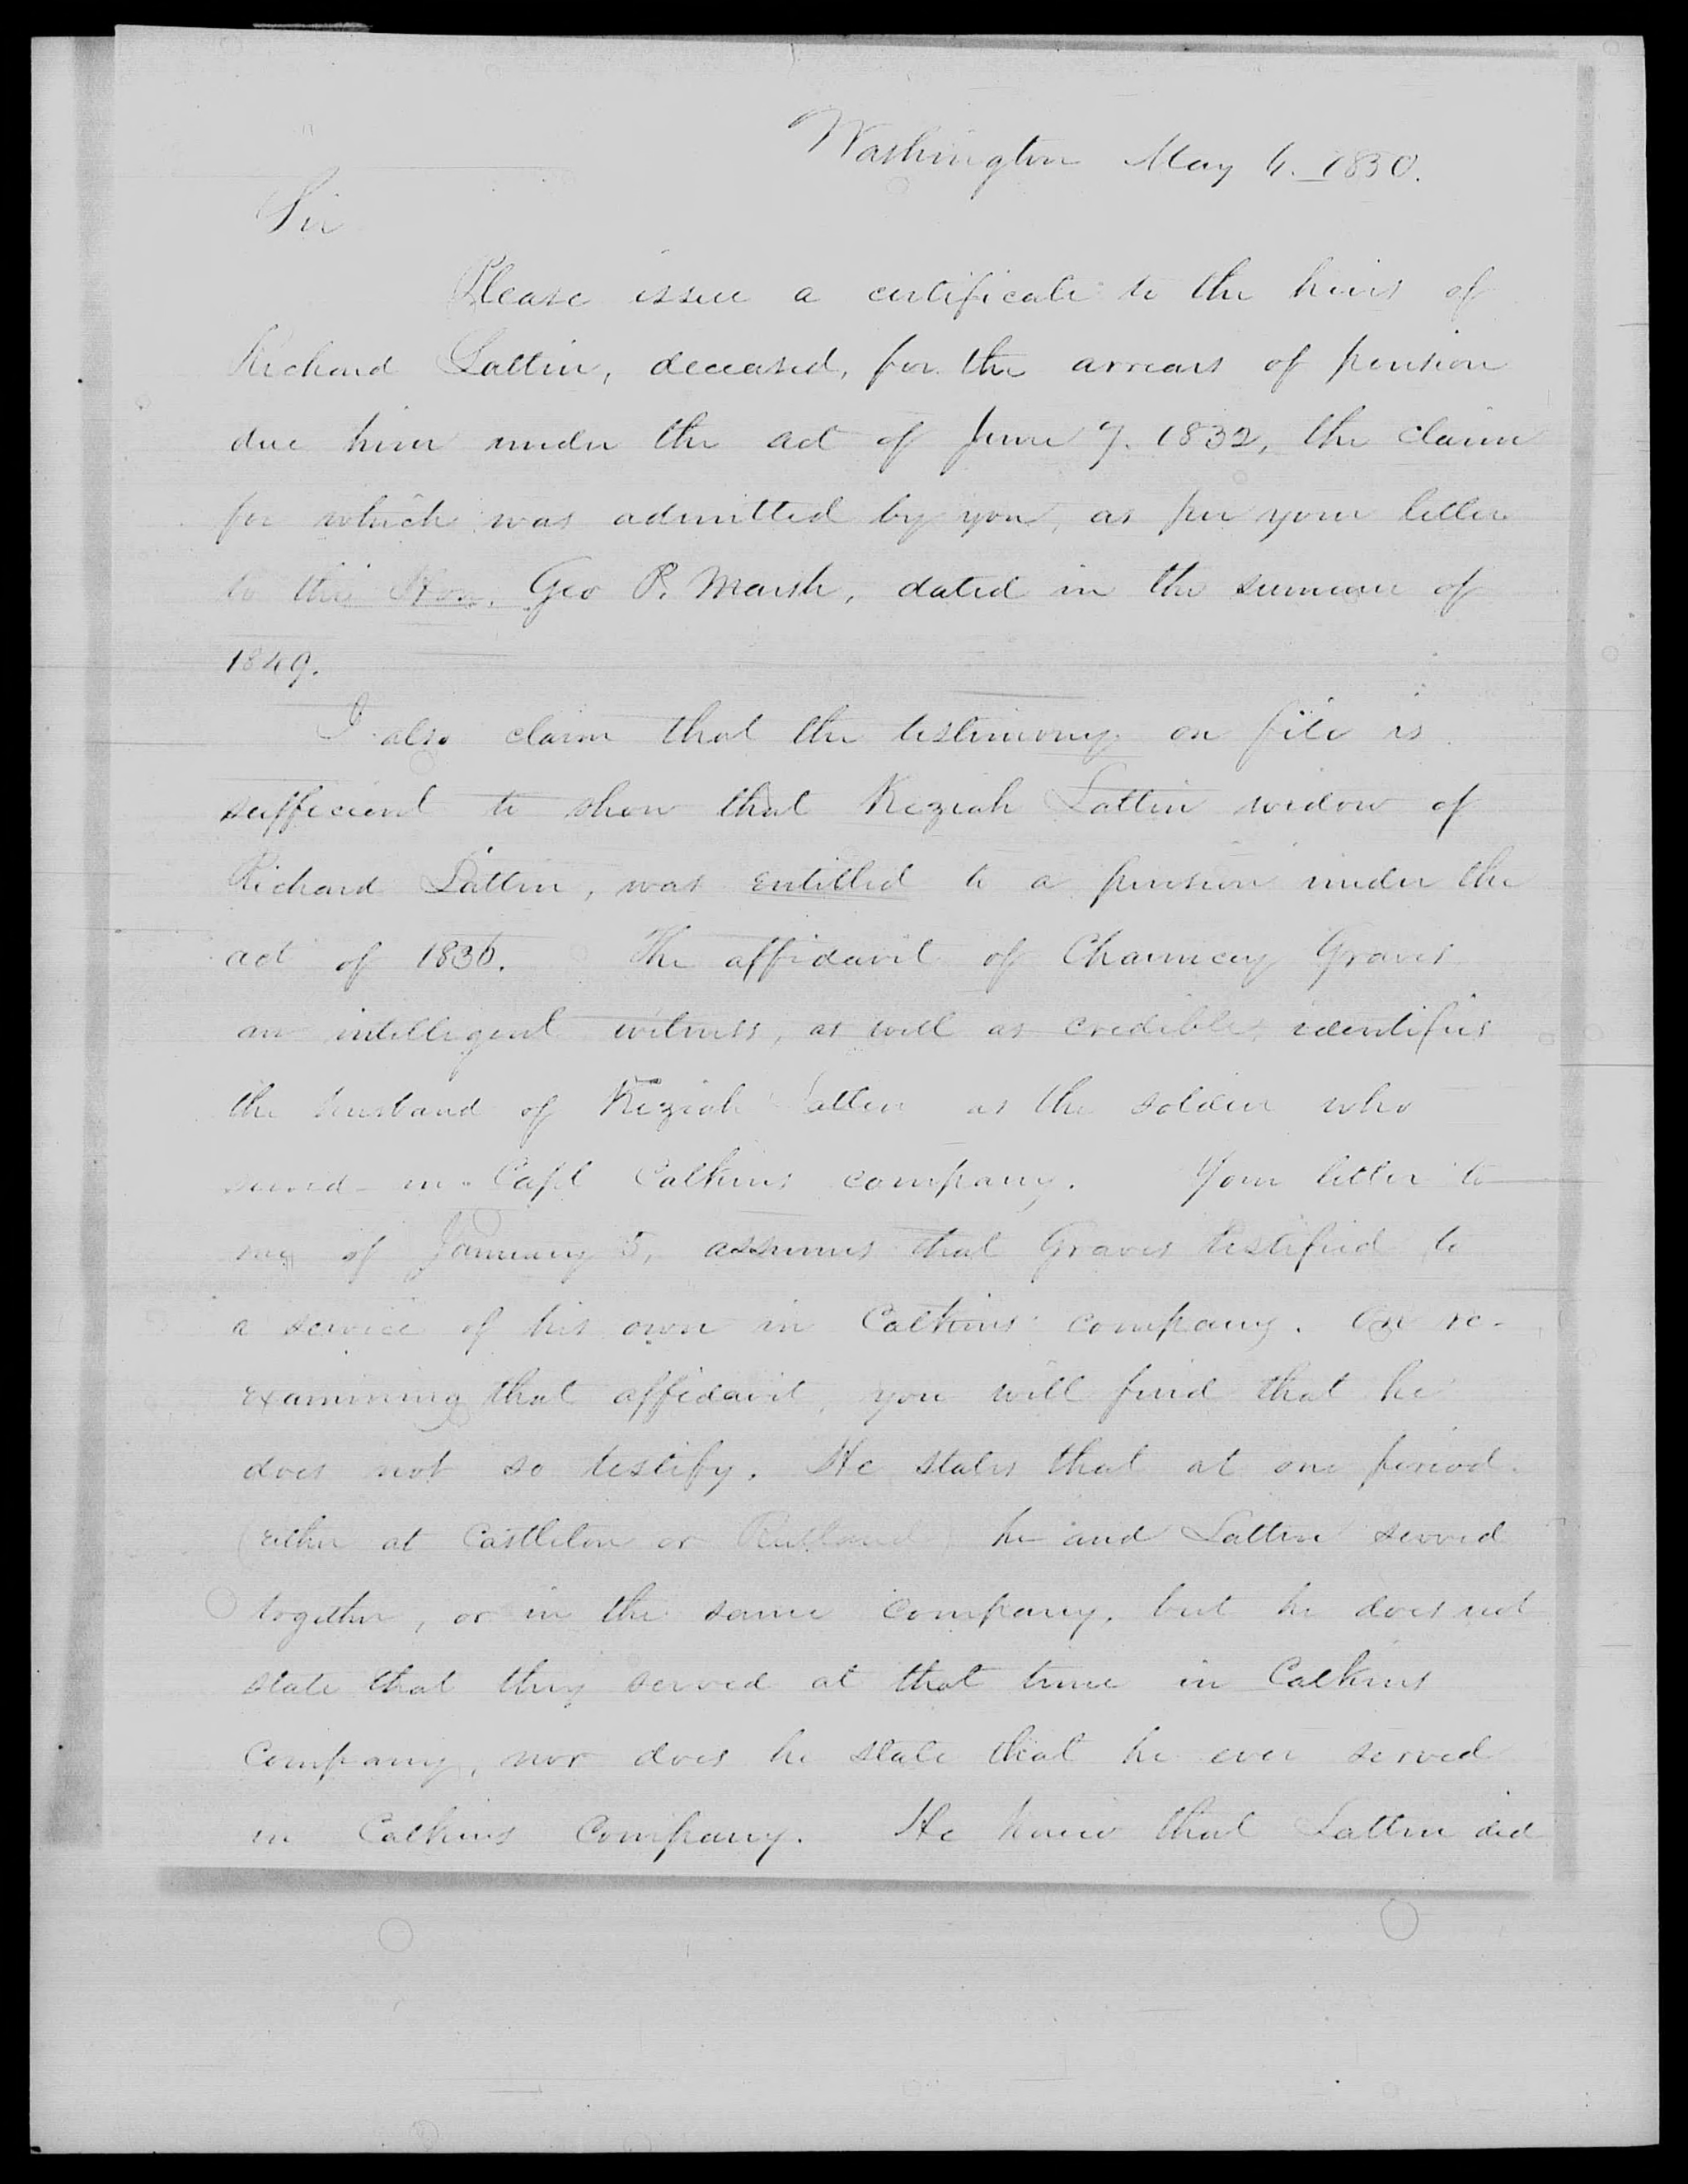Washington May 6. 1830.
Sir
Please issue a certificate to the heirs of
Richard Lattin, deceased, for the arrears of pension
due him under the act of June 7, 1832, the claim
for which was admitted by you, as per your letter
to the Hon Geo P. Marsh, dated in the sum of
1849.
I also claim that the testimony on file as
sufficient to show that Keziah Lattin widow of
Richard Lattin, was entitled to a pension under the
act of 1836.
The affidavit of Chauncey Graves
an intelligent witness, as well as credible, identifies
the husband of Keziah Lattin as the soldier who served in 
Capt Calkins company. Your letter to me
of January 5, assumes that Graves testified to
service of his own in Calkins company. On 
re-Examining that affidavit, you will find that he
does not so testify. He states that at one period.
either at Castleton or Rutland he and Latten served
together, or in the same company, but he does not
state that they served at that time in Calkins
company, nor does he state that he ever served
in Calkins company. He knew that Lattin did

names: Keziah Lattin; Richard Lattin; Geo P Marsh; Chauncey Graves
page: 77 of 99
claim: widow's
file: W. 24,482, for Richard Lattin, Vermont